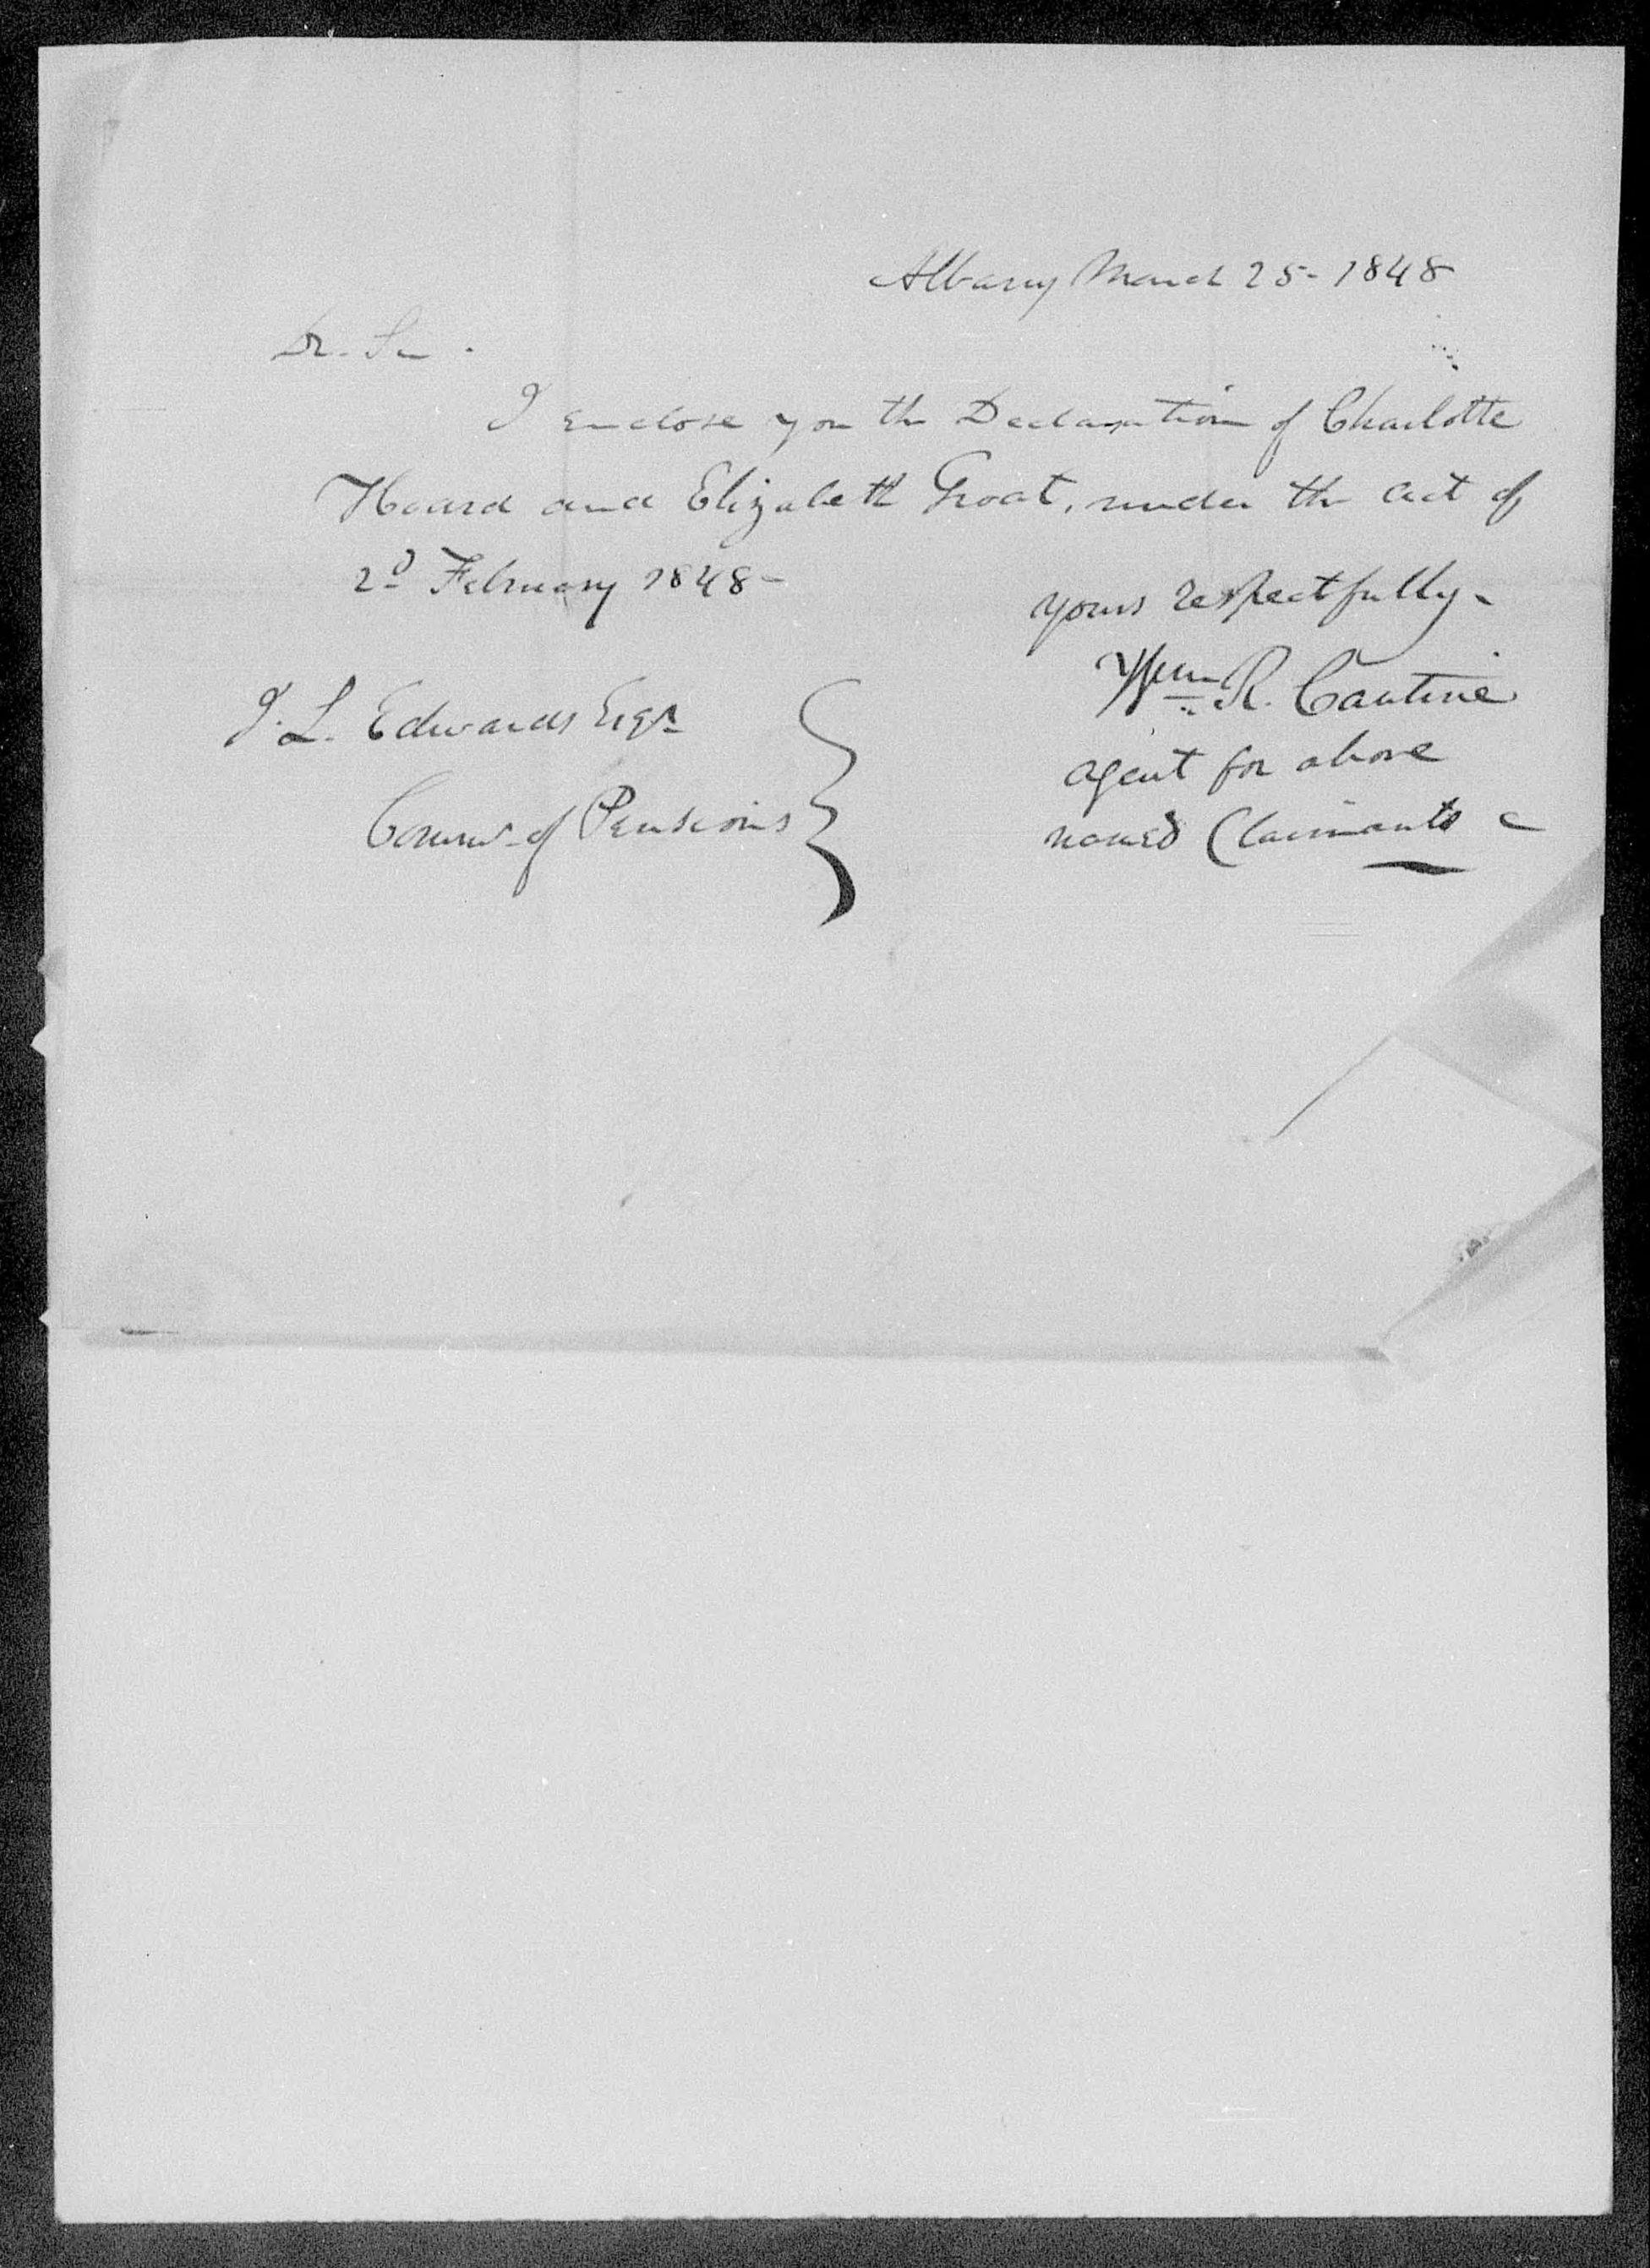Albany March 25 1848
Dear sir,
I enclose you the Declaration of Charlotte Hoard and Elizabeth Groat, under the act of 2nd February 1848.
Yours respectfully,
Wm. R. Cantine
Agent for above
named Claimants c
[To]
J. L. Edwards Esqr
Comm. of Pensions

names: Wm R Cantine, J L Edwards, Charlotte Hoard, Elizabeth Groat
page: 52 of 52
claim: widow's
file: W 19755, Jonathan Hoard, Mass.